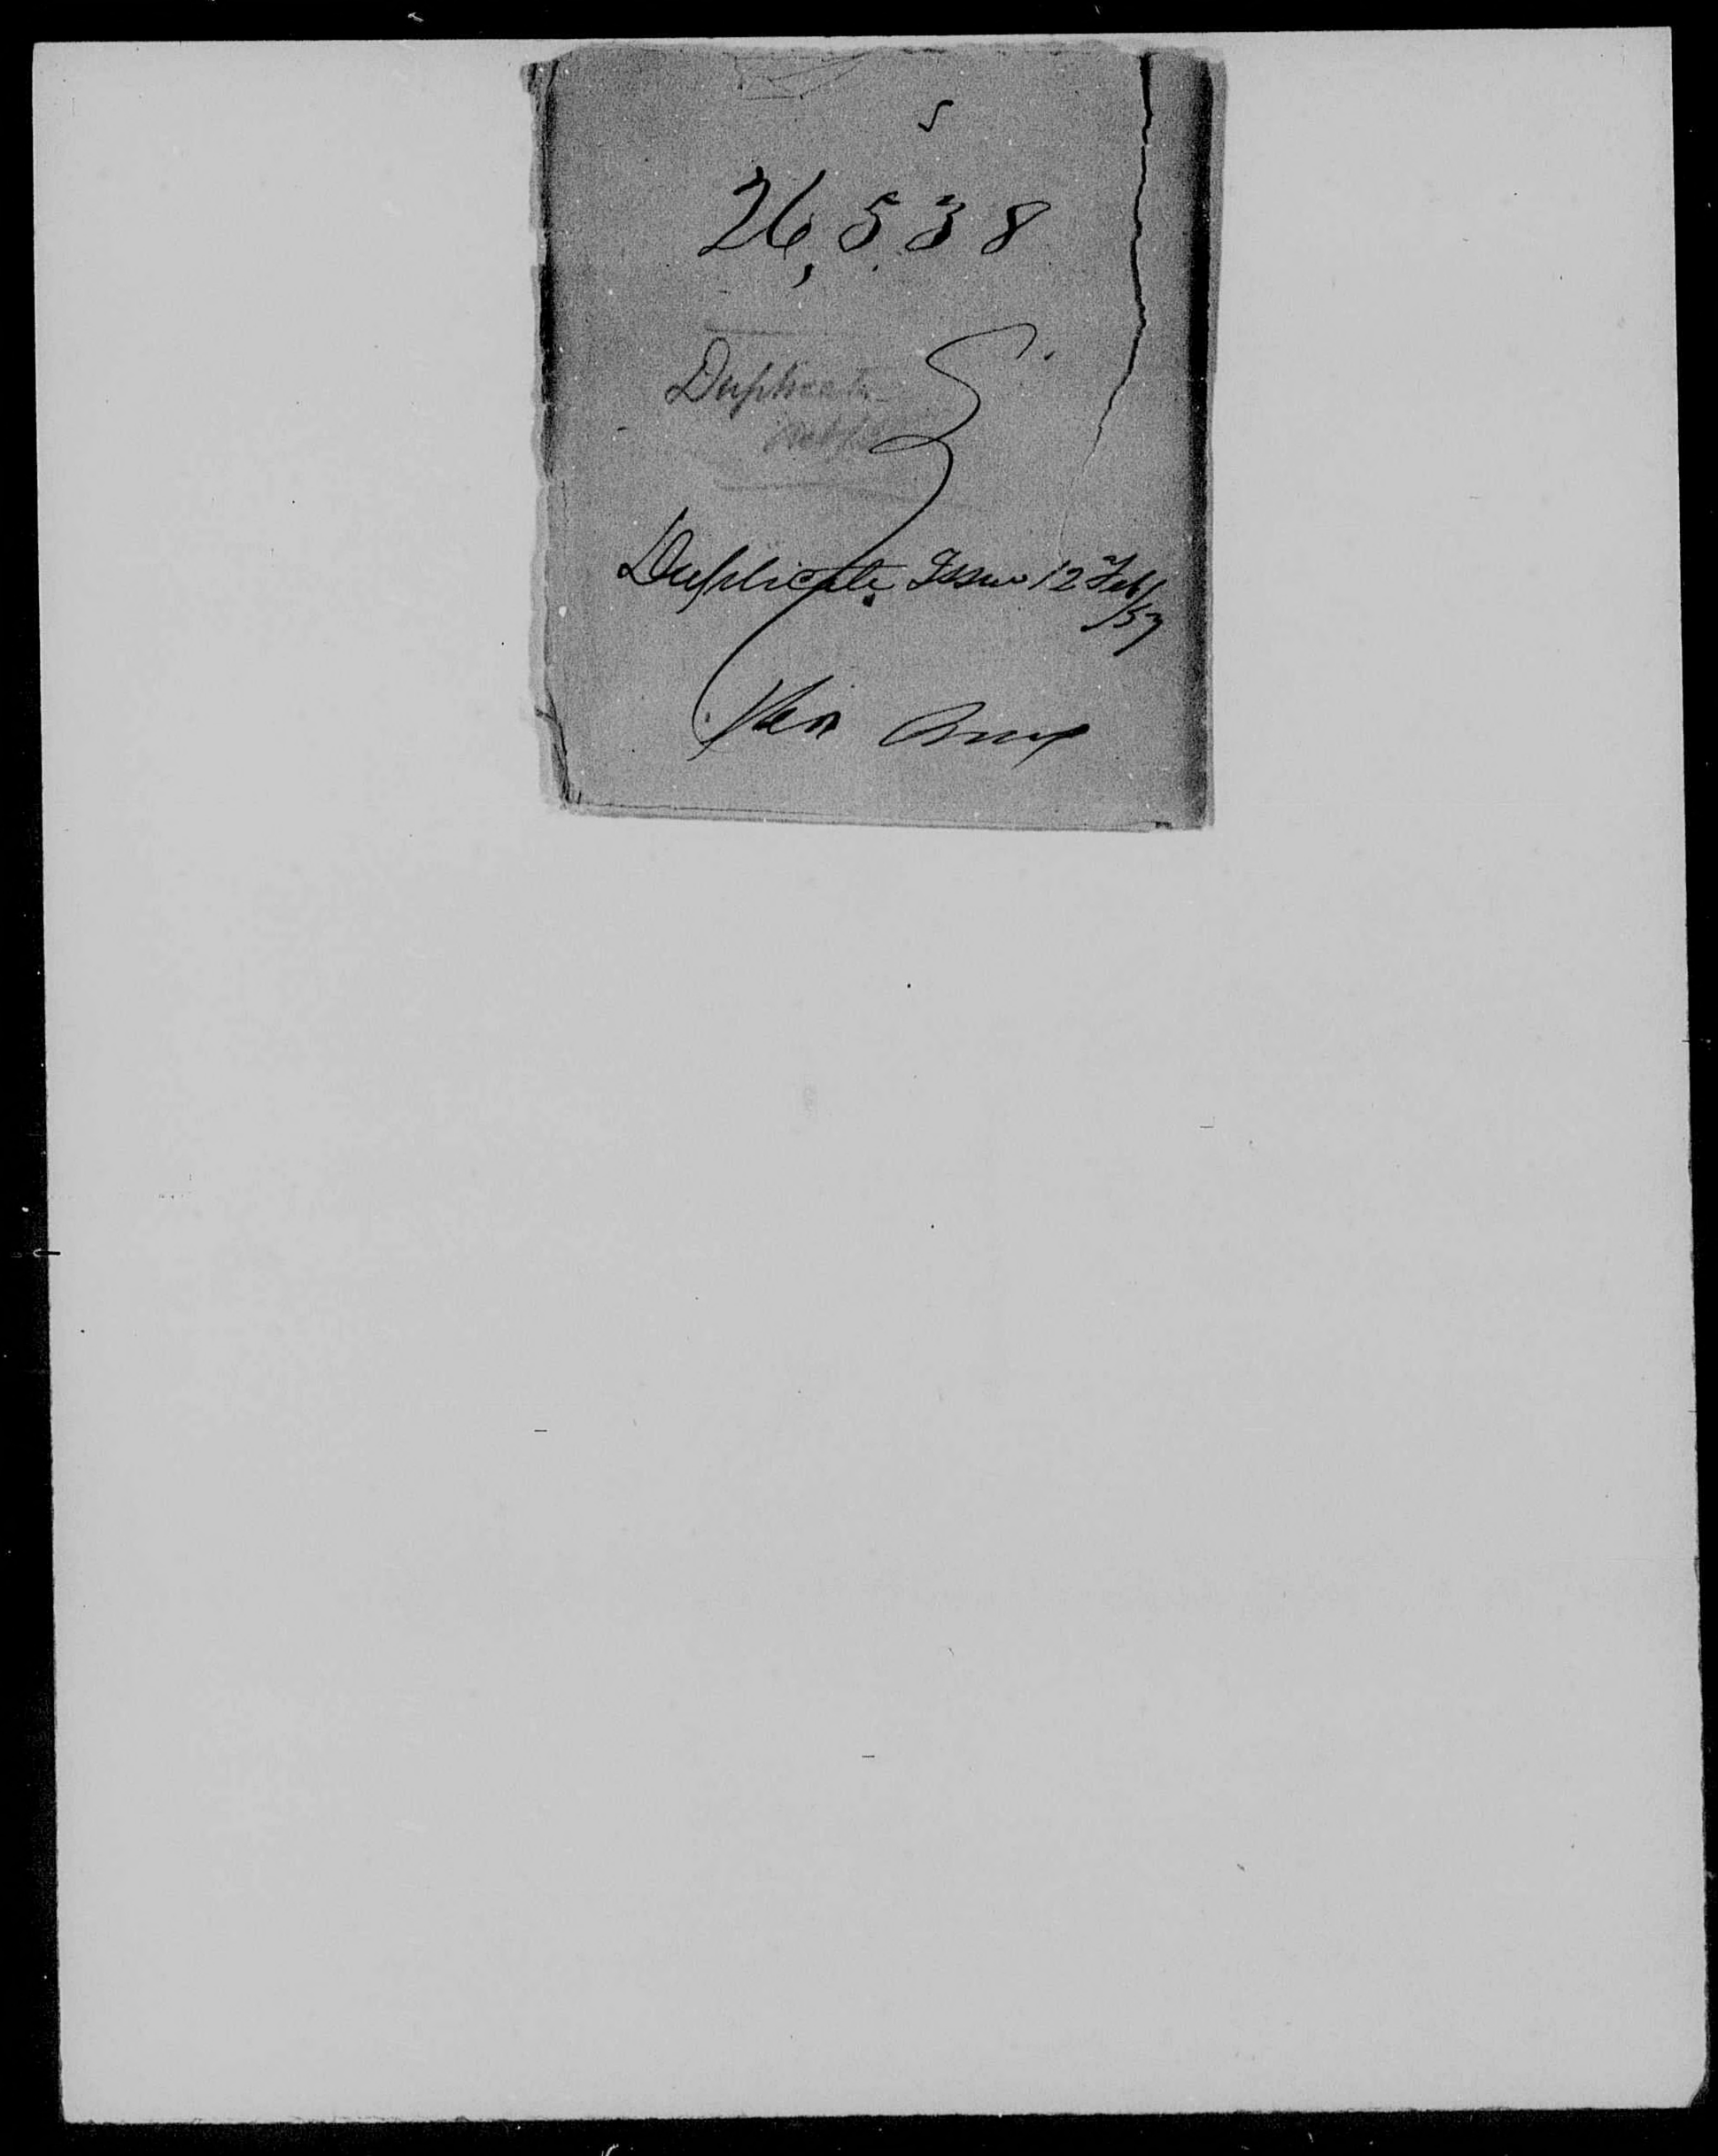S
26,538
Duplicate [Illegible]
Duplicate Issue 12 Feb/53
Helen Bray [Illegible]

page: 48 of 92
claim: widow's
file: W 1173, Robert Hamill, Penn.